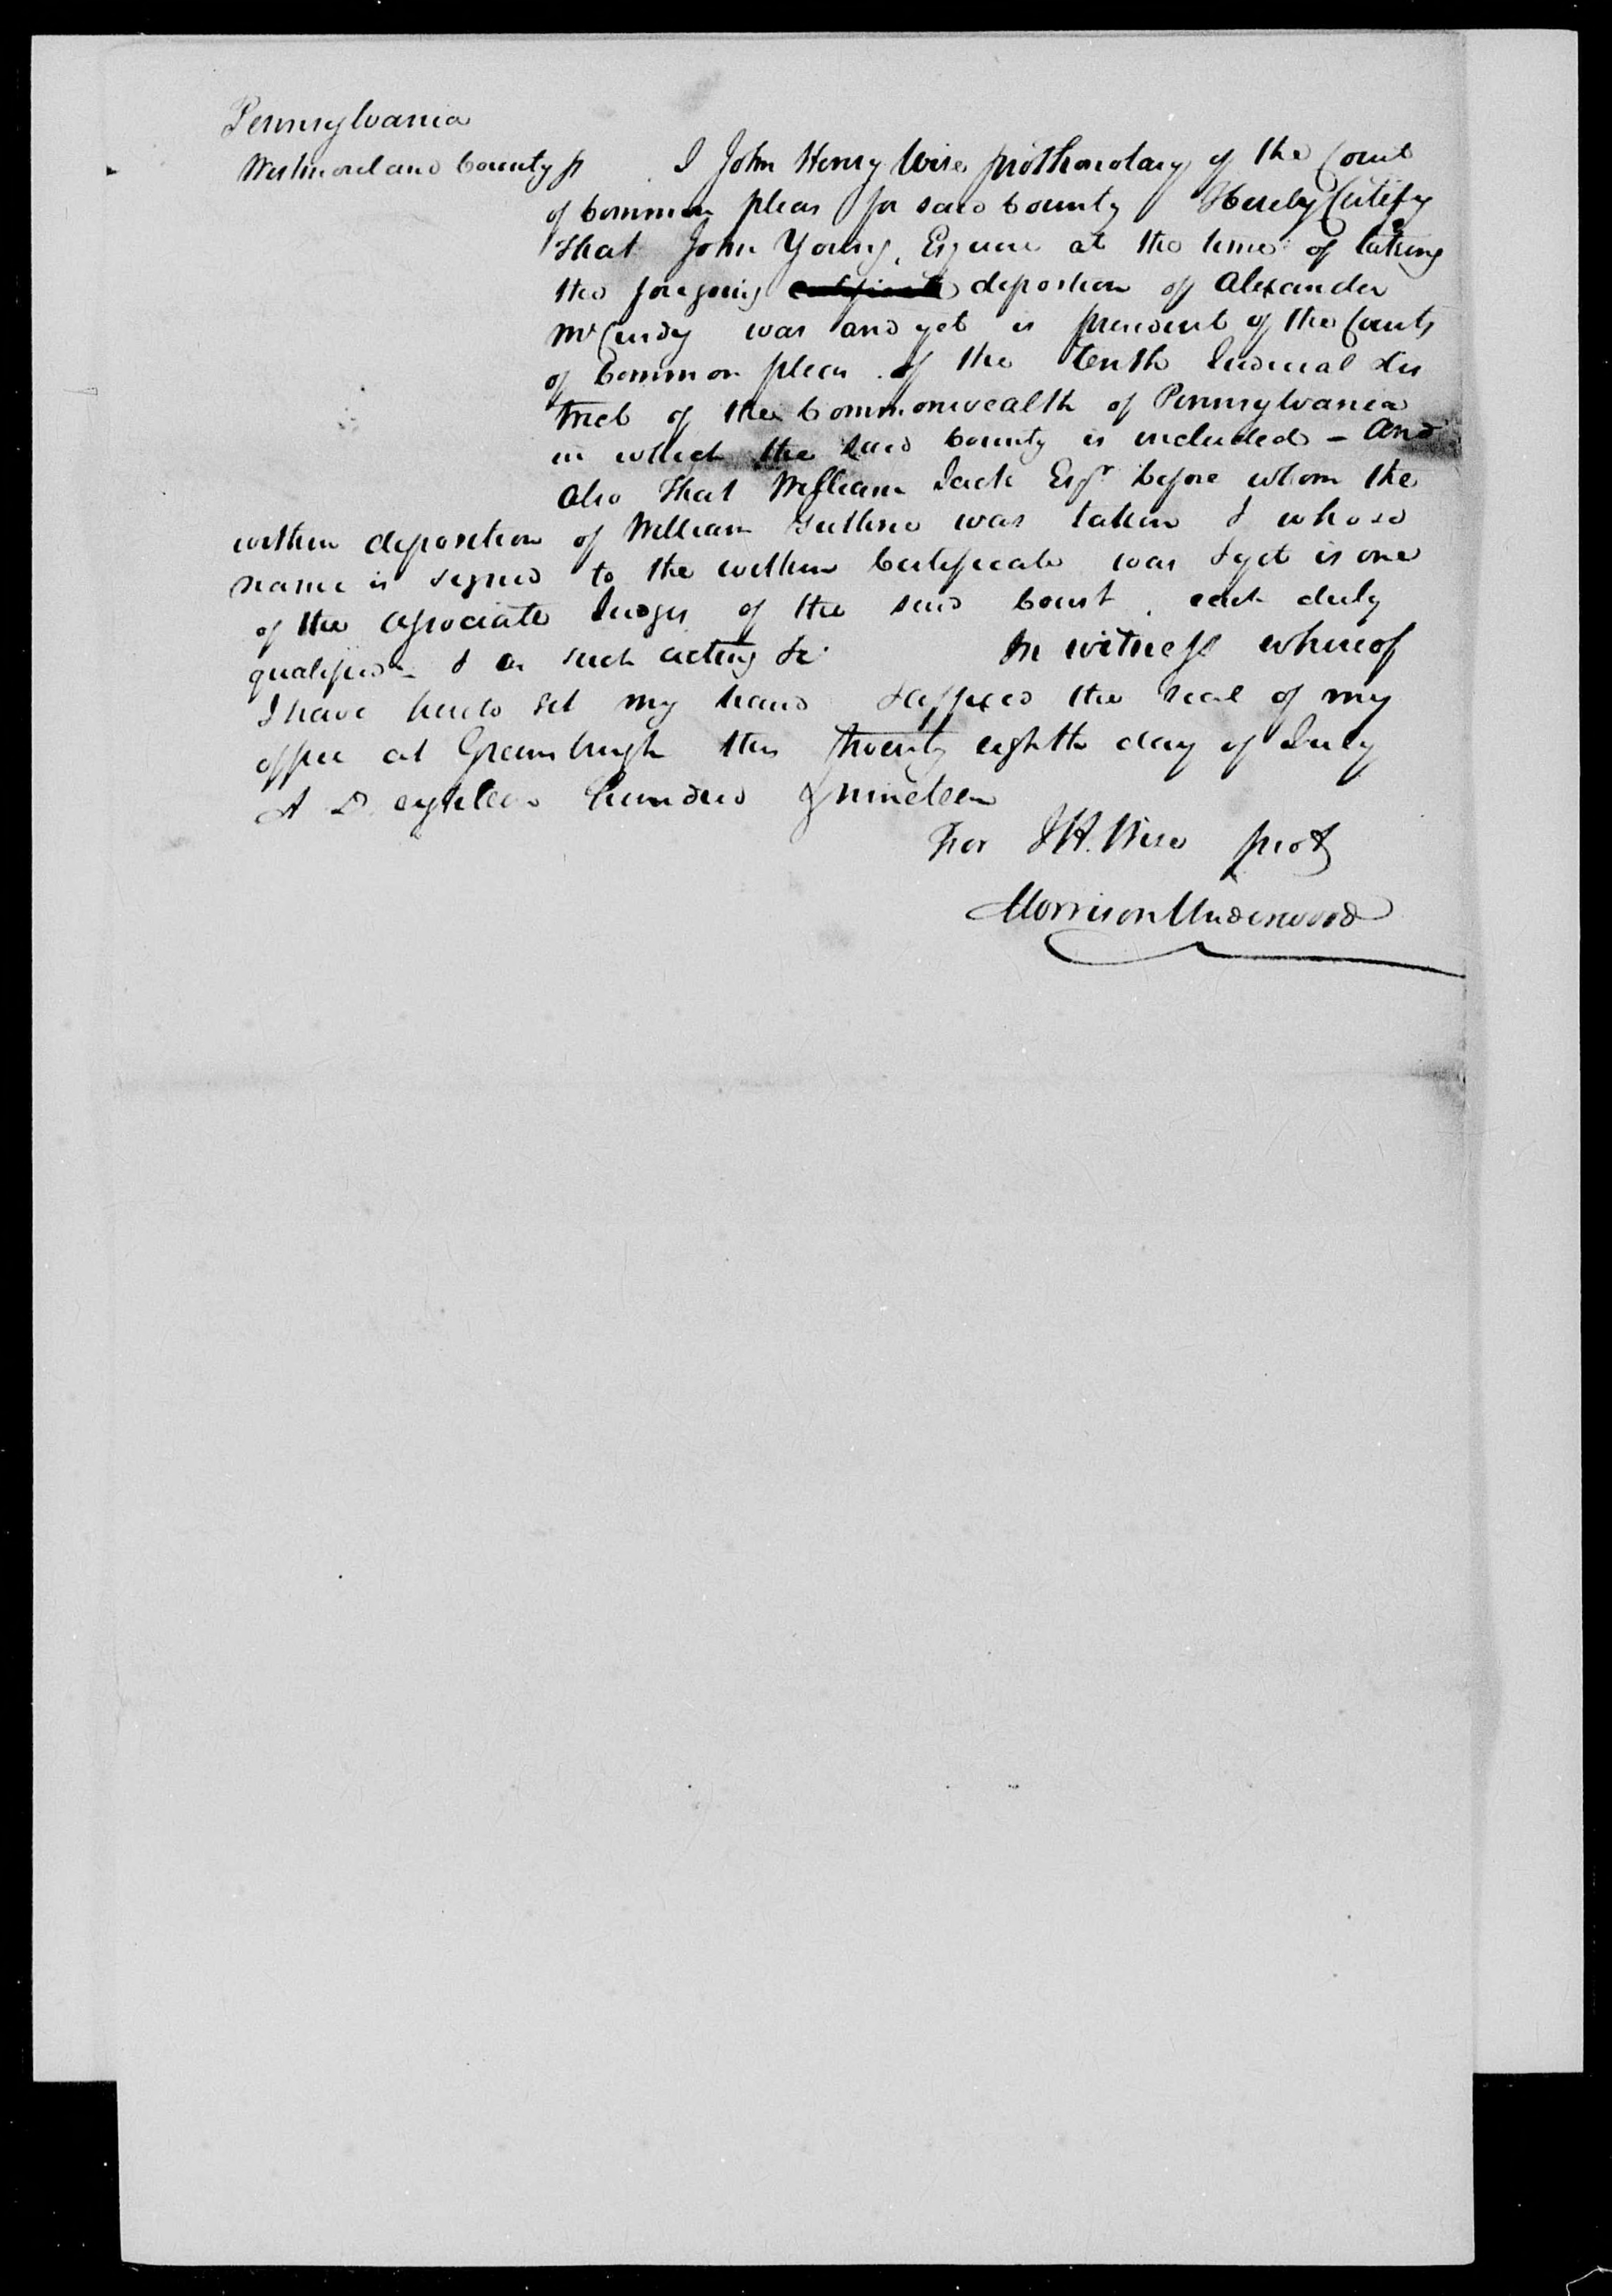Pennsylvania
Westmorland County SS.
I, John Henry Wise, Prothonotary of the Court of Common Pleas for said County, hereby certify that John York, Esquire, at the time of taking the foregoing deposition of Alexander McCurdy, was and yet is president of the Court of Common Pleas of the Tenth Judicial District of the Commonwealth of Pennsylvania, in which the said county is included. And also that William Jack, Esquire, before whom the within deposition of William Guthrie was taken and whose name is signed to the within certificate, was and yet is one of the associate Judges of the said Court, each duly qualified and or such acting etc.
In witness whereof, I have hereto set my hand and affixed the seal of my office at Greensburg this twenty-eighth day of July A.D. Eighteen hundred and nineteen.
for J. H. Wise, Prothonotary
Morrison Underwood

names: Alexander Mc Curdy; Morrison Underwood; William Guthrie; John Young; William Jack; John Henry Wise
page: 20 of 20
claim: survivor's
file: S. 40,935, for Archibald Leech, Pennsylvania